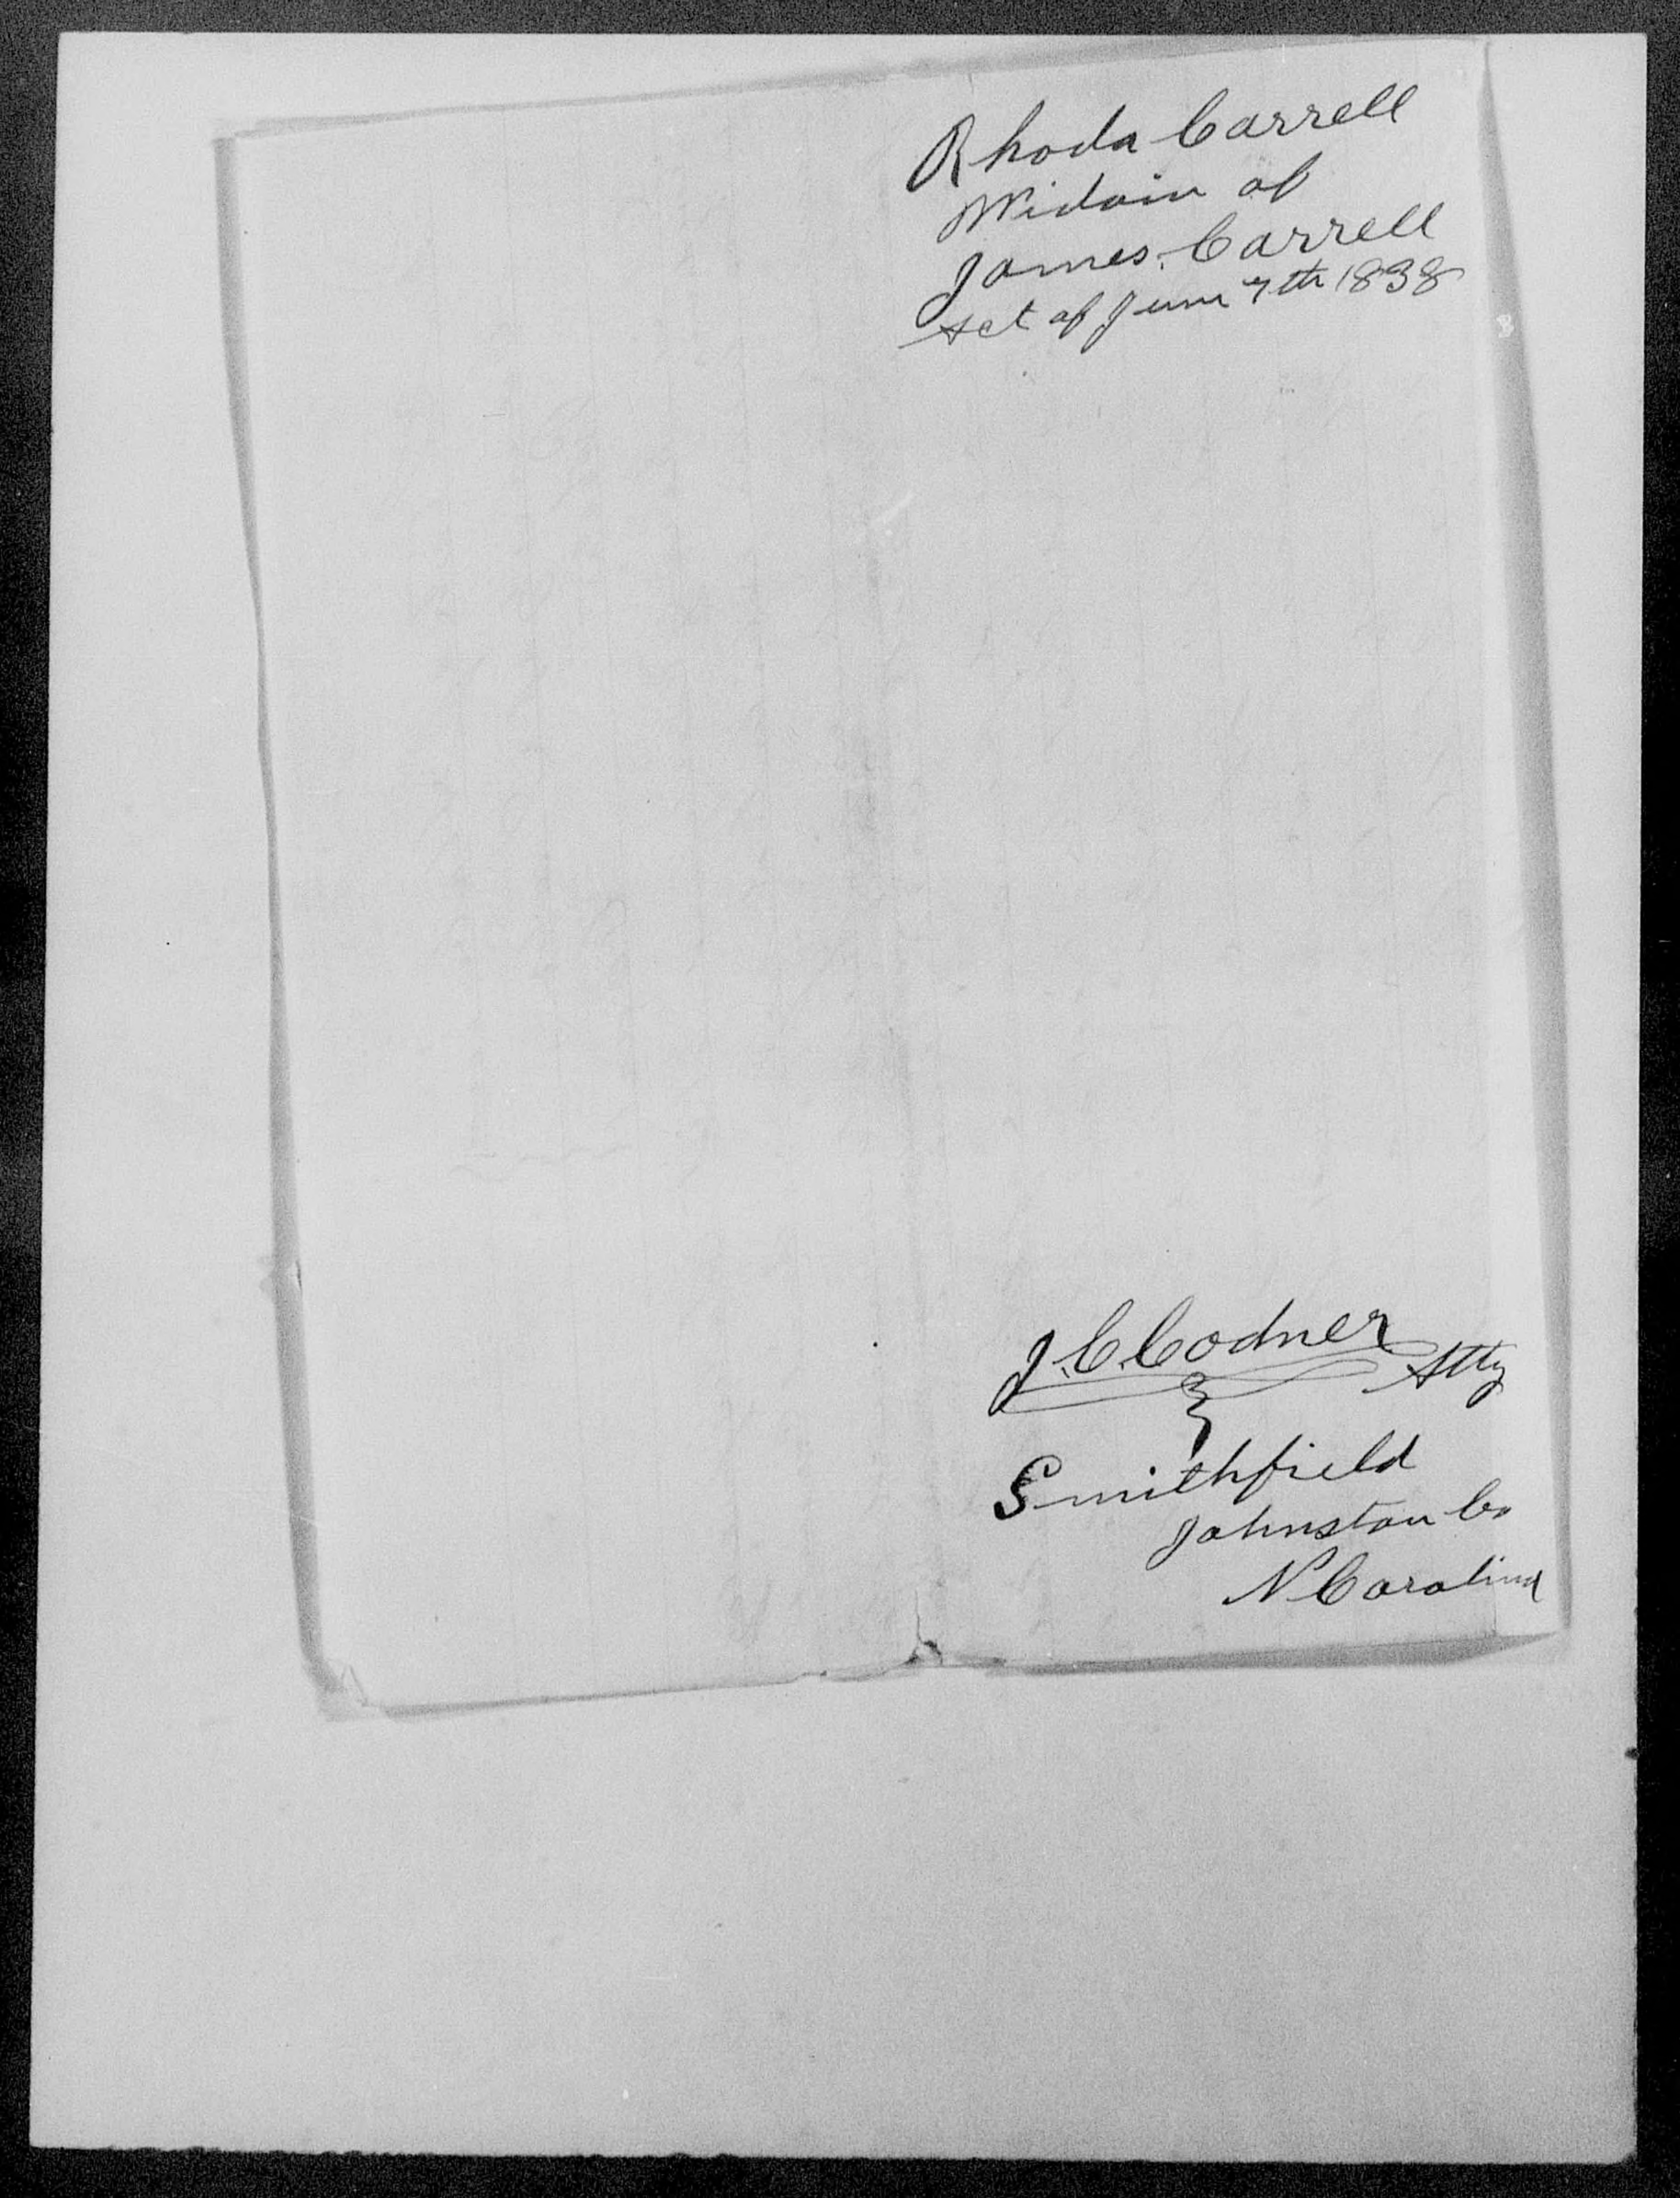Rhoda Carrell
Widow of 
James Carrell
Act of June 7th 1838


J C.Codner Atty
Smithfield
Johnston Co
N. Carolina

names: James Carrell, Rhoda Carrell, J C Codner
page: 43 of 86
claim: widow's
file: W. 6899, James Carrell, N.C.